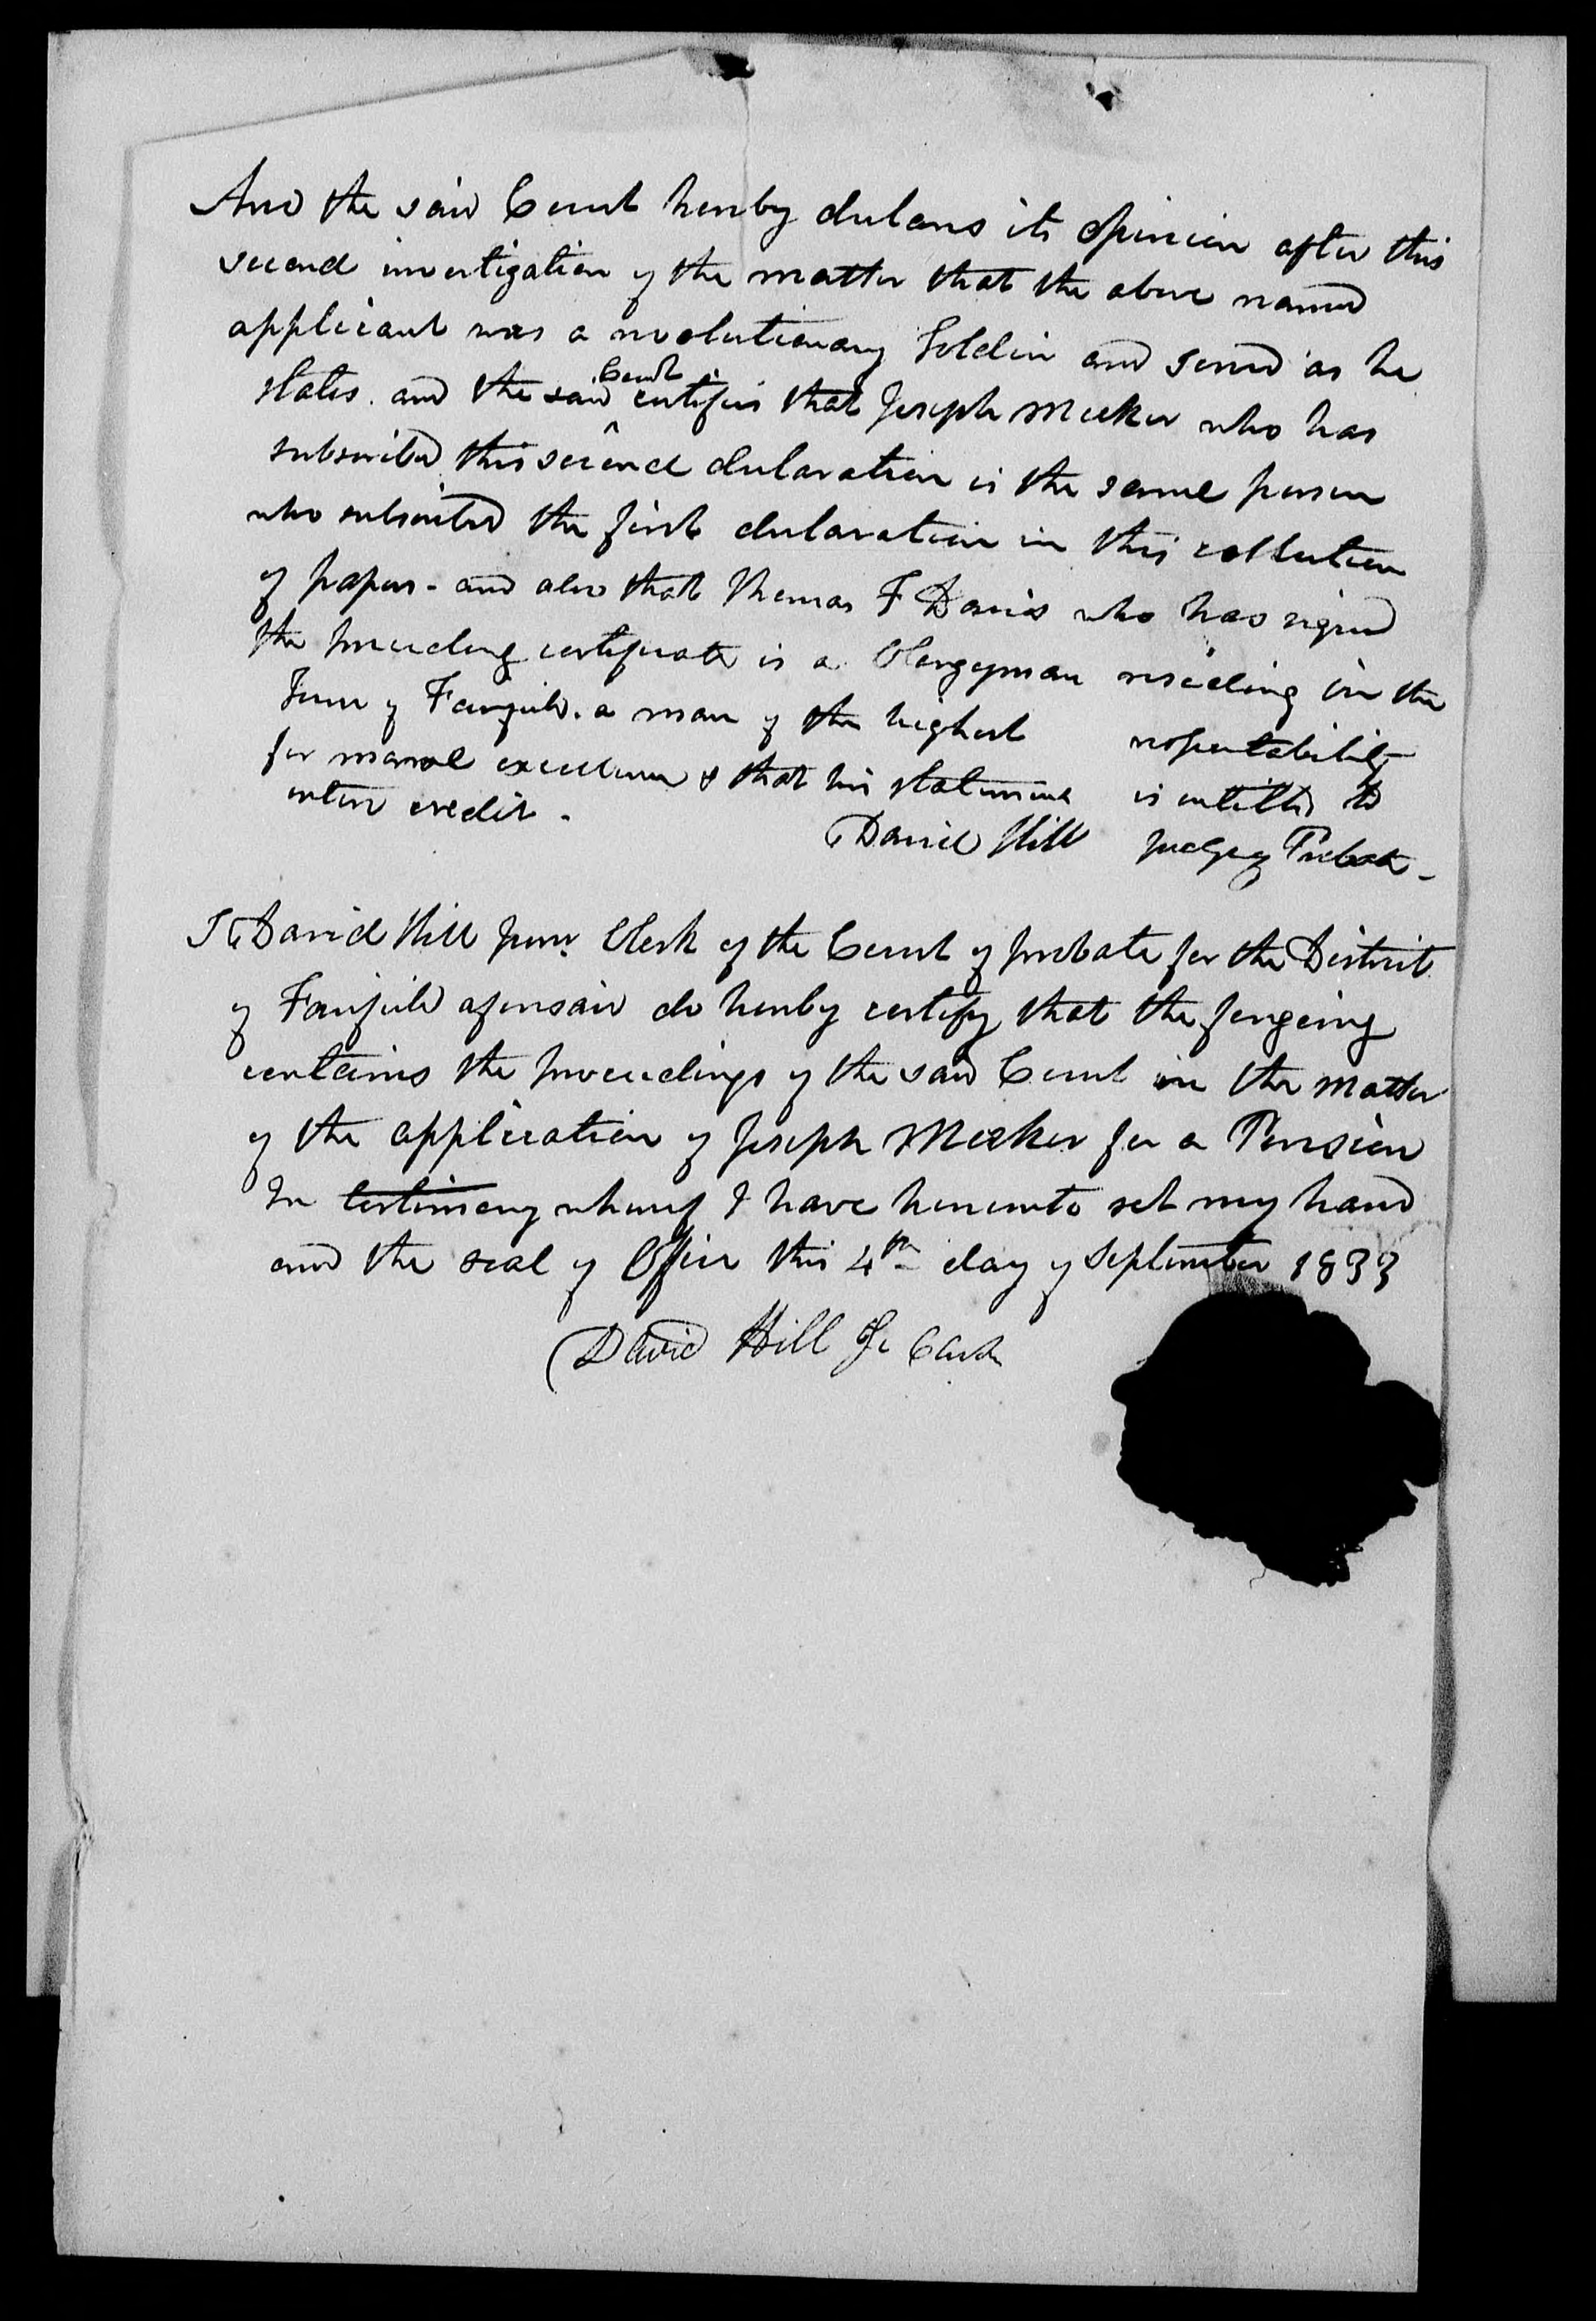And the said Court hereby declares its opinion after this second investigation of the matter that the above named applicant was a revolutionary soldier and served as he states and the said Court [last word inserted] certifies that Joseph Meeker who has subscribed this second declaration is the same person who subscribed the first declaration in this collection of papers - and also that Thomas F Davis who has signed the preceding certificate is a clergy man residing in the Town of Fairfield, a man of the highest reputability for moral excellence & that his statement is entitled to [illegible] credit.    
    [Signed] Daniel Hill Judge of Probate

I David Hill Junior Clerk of the Court of Probate for the District of Fairfield aforesaid do hereby certify that the forgoing contains the [illegible] of the said Court in the matter of the application of Joseph Meeker for a Pension.  In testimony whereof I have hereunto set my hand and the seal of Office this 4th day of September 1833

                                [Seal affixed lower right]
   [Signed[  David Hill Jr Clerk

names: Thomas F Davis; David Hill; Joseph Meeker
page: 15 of 22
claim: survivor's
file: S. 15,517, for Joseph Meeker, Connecticut